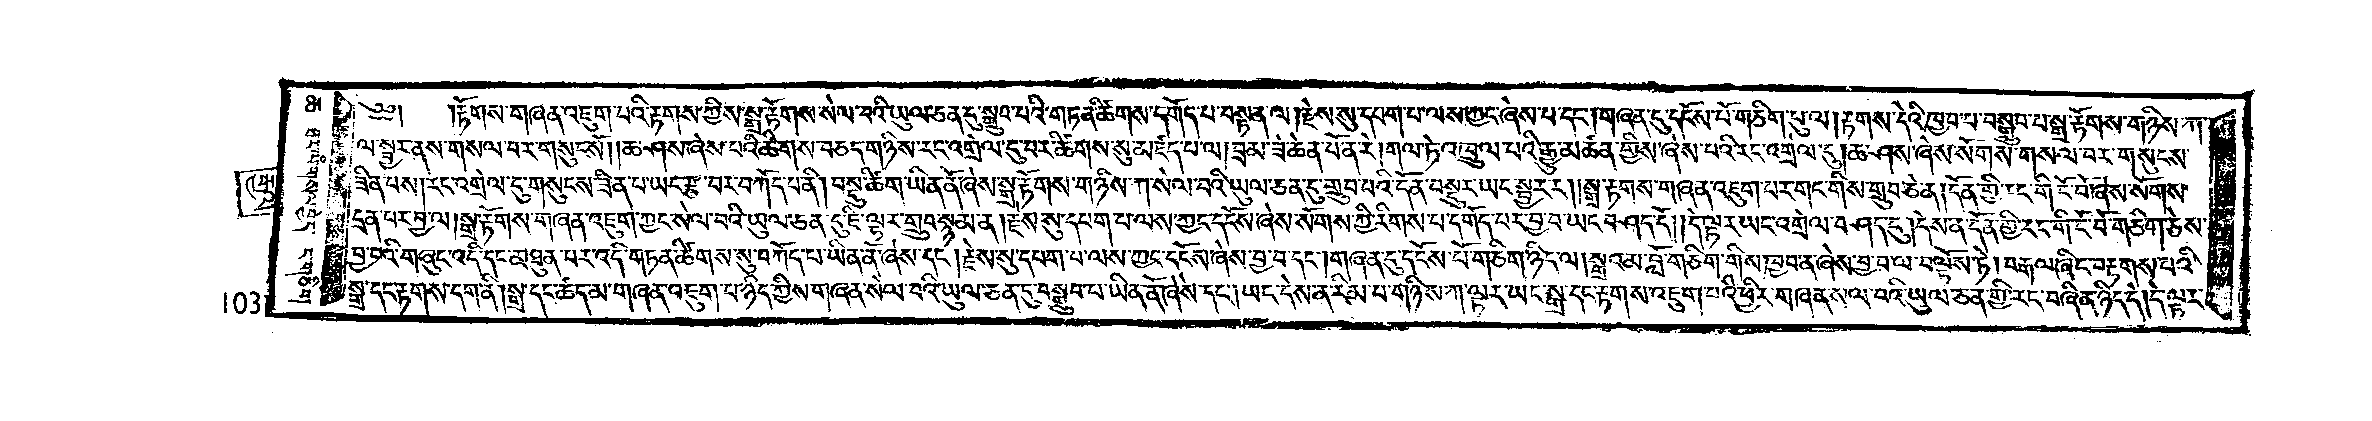༄༅། །རྟོགས་གཞན་འཇུག་པའི་རྟགས་ཀྱིས་སྒྲ་རྟོགས་སེལ་བའི་ཡུལ་ཅན་དུ་སྒྲུབ་པའི་གཏན་ཚིགས་དགོད་པ་བསྟན་ལ། རྗེས་སུ་དཔག་པ་ལས་ཀྱང་ཞེས་པ་དང་། གཞན་དུ་དངོས་པོ་གཅིག་པུ་ལ། རྟགས་དེའི་ཁྱབ་པ་བསྒྲུབ་པ་སྒྲ་རྟོགས་གཉིས་ཀ་
ལ་སྦྱར་ནས་གསལ་བར་གསུངས་སོ། །ཆ་ཤས་ཞེས་པའི་ཚིགས་བཅད་གཉིས་རང་འགྲེལ་དུ་བར་ཚིགས་སུ་མཛད་པ་ལ། བྲམ་ཟེ་ཆེན་པོ་ན་རེ། གལ་ཏེ་འཁྲུལ་པའི་རྒྱུ་མཚན་གྱིས་ཞེས་པའི་རང་འགྲེལ་དུ། ཆ་ཤས་ཞེས་སོགས་གསལ་བར་གསུངས་
ཟིན་པས། རང་འགྲེལ་དུ་གསུངས་ཟིན་པ་ཡང་རྩ་བར་བཀོད་པ་ནི། བསྡུ་ཚིག་ཡིན་ནོ་ཞེས་སྒྲ་རྟོགས་གཉིས་ཀ་སེལ་བའི་ཡུལ་ཅན་དུ་གྲུབ་པའི་དོན་བསྡུར་ཡང་སྦྱར་རོ། །སྒྲ་རྟགས་གཞན་འཇུག་པར་གང་གིས་གྲུབ་ཅེ་ན། དོན་གྱི་རང་གི་ངོ་བོ་ཞེས་སོགས་
དྲན་པར་བྱ་ལ། སྒྲ་རྟོགས་གཞན་འཇུག་ཀྱང་སེལ་བའི་ཡུལ་ཅན་དུ་ཇི་ལྟར་གྲུབ་སྙམ་ན། རྗེས་སུ་དཔག་པ་ལས་ཀྱང་དངོས་ཞེས་སོགས་ཀྱི་རིགས་པ་དགོད་པར་བྱ་བ་ཡང་བཤད་དོ། །དེ་ལྟར་ཡང་འགྲེལ་བཤད་དུ། དེས་ན་དོན་གྱི་རང་གི་ངོ་བོ་གཅིག་ཅེས་
བྱ་བའི་གཞུང་འདི་དང་མཐུན་པར་འདི་གཏན་ཚིགས་སུ་བཀོད་པ་ཡིན་ནོ་ཞེས་དང་། རྗེས་སུ་དཔག་པ་ལས་ཀྱང་དངོས་ཞེས་བྱ་བ་དང་། གཞན་དུ་དངོས་པོ་གཅིག་ཉིད་ལ། སྒྲའམ་བློ་གཅིག་གིས་ཁྱབ་ན་ཞེས་བྱ་བ་ལ་བལྟོས་ཏེ། བརྒལ་ཞིང་བརྟགས་པའི་
སྒྲ་དང་རྟགས་དག་ནི། སྒྲ་དང་ཚད་མ་གཞན་འཇུག་པ་ཉིད་ཀྱིས་གཞན་སེལ་བའི་ཡུལ་ཅན་དུ་བསྒྲུབ་པ་ཡིན་ནོ་ཞེས་དང་། ཡང་དེས་ན་རིམ་པ་གཉིས་ཀ་ལྟར་ཡང་སྒྲ་དང་རྟགས་འཇུག་པའི་ཕྱིར་གཞན་སེལ་བའི་ཡུལ་ཅན་གྱི་རང་བཞིན་ཉིད་དེ། དེ་ལྟར་